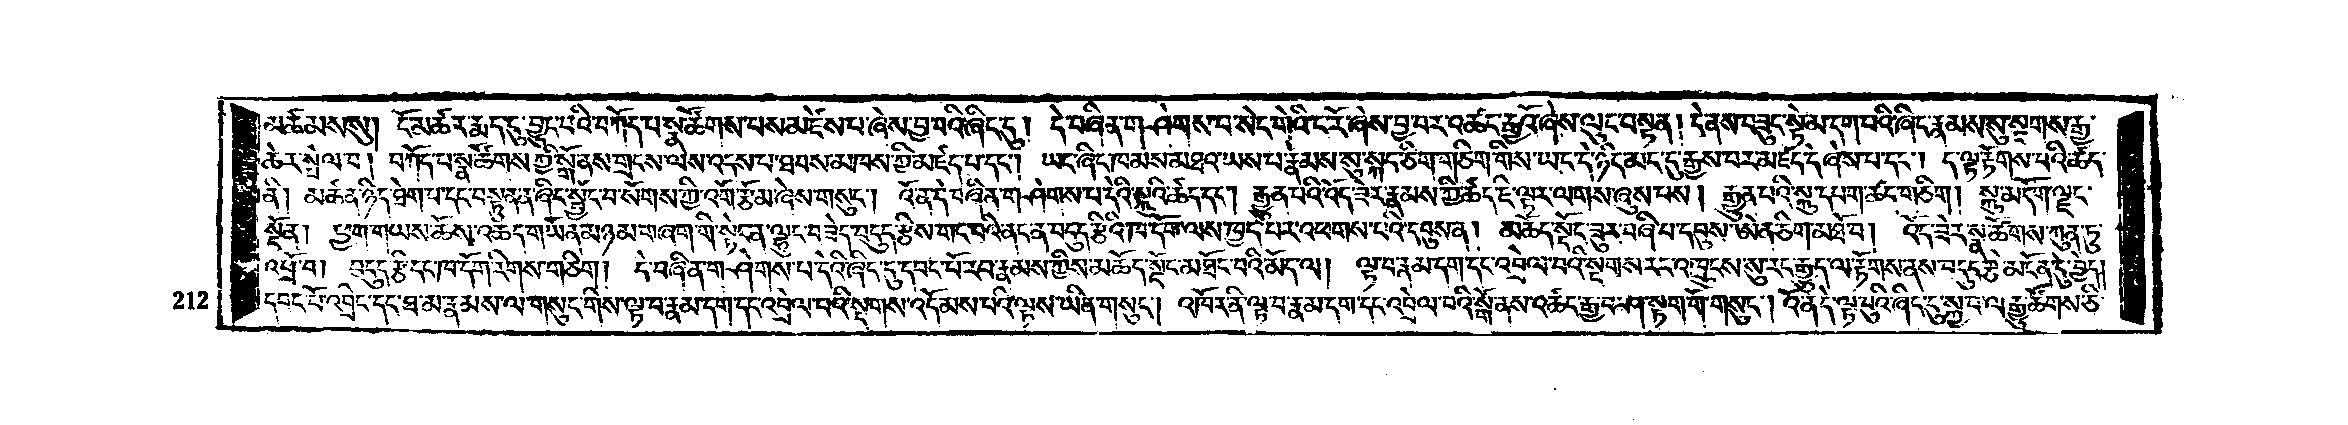མཚམས་སུ། ངོ་མཚར་རྨད་དུ་བྱུང་བའི་བཀོད་པ་སྣ་ཚོགས་པས་མཛེས་པ་ཞེས་བྱ་བའི་ཞིང་དུ། དེ་བཞིན་གཤེགས་པ་སེང་གེའི་ང་རོ་ཞེས་བྱ་བར་འཚང་རྒྱའོ་ཞེས་ལུང་བསྟན། དེ་ནས་བཟུང་སྟེ་མ་དག་པའི་ཞིང་རྣམས་སུ་སྔགས་རྒྱ་
ཆེར་སྤེལ་བ། བཀོད་པ་སྣ་ཚོགས་ཀྱི་སྒོ་ནས་གྲངས་ལས་འདས་པ་ཐབས་མཁས་ཀྱི་མཛད་པ་དང་། ཡང་ཞིང་ཁམས་མཐའ་ཡས་པ་རྣམས་སུ་སྐད་ཅིག་གཅིག་གིས་ཡང་དེ་ཉིད་མང་དུ་རྒྱས་པར་མཛད་དེ་ཞེས་པ་དང་། དེ་ལྟ་རྟོགས་པའི་ཚད་
ནི། མཚན་ཉིད་ཐེག་པ་དང་བསྟུན་ན་ཞིང་སྦྱོང་བ་སོགས་ཀྱི་འགོ་རྩོམ་ཞེས་གསུང་། འོ་ན་དེ་བཞིན་གཤེགས་པ་དེའི་སྐུའི་ཚད་དང་། རྒྱུན་པའི་འོད་ཟེར་རྣམས་ཀྱི་ཚད་ཇི་ལྟར་ལགས་ཞུས་པས། རྒྱུན་པའི་སྐུ་དཔག་ཚད་གཅིག། སྐུ་མདོག་ལྗང་
སྔོན། ཕྱག་གཡས་ཆོས་འཆད་གཡོན་མཉམ་གཞག་གི་སྟེང་ན་ལྷུང་བཟེད་བདུད་རྩིས་གང་བའི་ནང་ན་བདུད་རྩིའི་ཁོ་དོག་ལས་ཁྱད་པར་འཕགས་པའི་དབུས་ན། མཆོད་སྡོང་ཟུར་བཞི་པ་དབུས་ཨེན་ཅིག་མཐོ་བ། འོད་ཟེར་སྣ་ཚོགས་ཀུན་ཏུ་
འཕྲོ་བ། བདུད་རྩི་དང་ཁ་དོག་རིགས་གཅིག། དེ་བཞིན་གཤེགས་པ་དེའི་ཞིང་དུ་དབང་པོ་རབ་རྣམས་ཀྱིས་མཆོད་སྡོང་མཐོང་བའི་མོད་ལ། ལྟ་བ་རྣམ་དག་དང་འབྲེལ་བའི་སྔགས་རང་འཁྲུངས་སུ་རང་རྒྱུད་ལ་རྟོགས་ནས་བདུད་རྩེ་མངོན་དུ་བྱེད།
དབང་པོ་འབྲིང་དང་ཐ་མ་རྣམས་ལ་གསུང་གིས་ལྟ་བ་རྣམ་དག་དང་འབྲེལ་བའི་སྔགས་འདོམས་པའི་ལྟས་ཡིན་གསུང་། འཁོར་ནི་ལྟ་བ་རྣམ་དག་དང་འབྲེལ་བའི་སྒོ་ནས་འཚང་རྒྱ་བ་ཤ་སྟག་གོ་གསུང་། འོ་ན་དེ་ལྟ་བུའི་ཞིང་དུ་སྐྱ་བ་ལ་རྒྱུ་ཚོགས་ཅི་